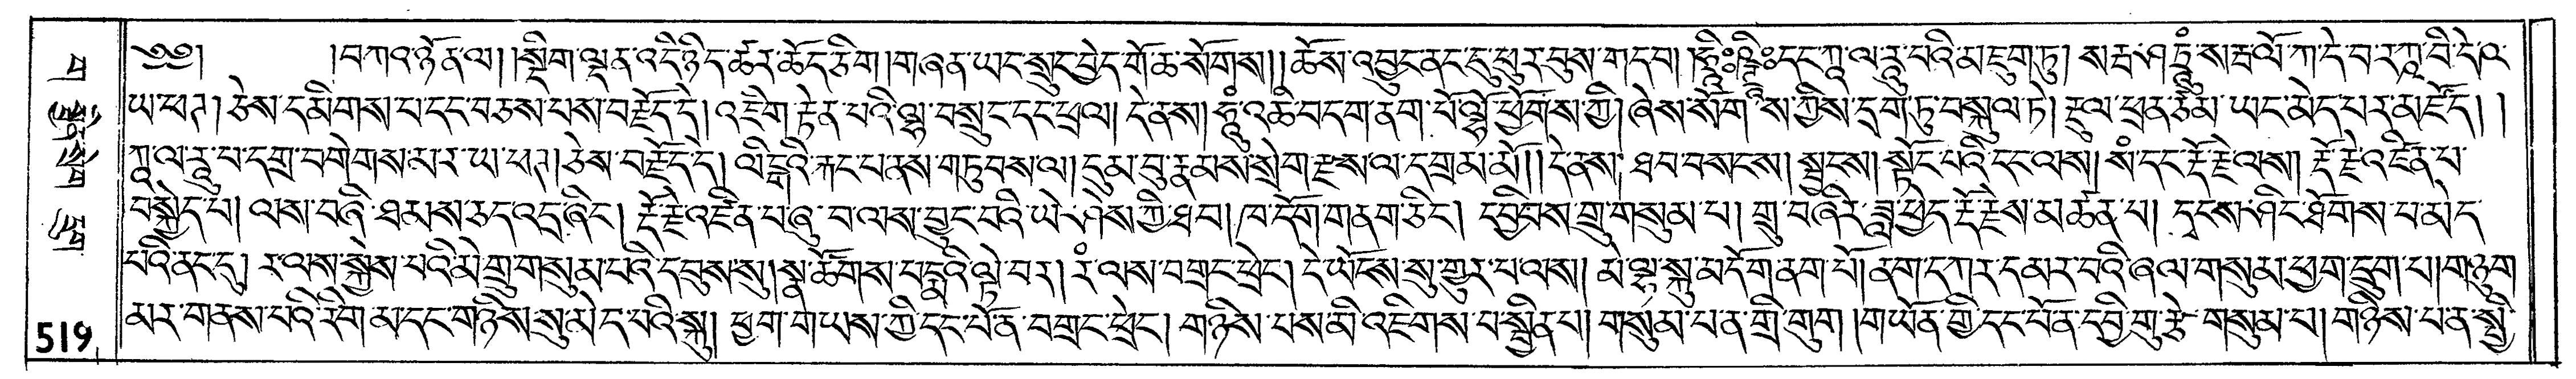༄༅། །བཀའ་ཉོན་ལ། །སྡིག་ལྡན་འདི་ཉིད་ཚར་ཆོད་ཅིག །གཞན་ཡང་སྲུང་བྱེད་གོ་ཆ་སོགས། །ཆོས་འབྱུང་ནང་དུ་ཕུར་བུས་གདབ། །ཧྲཱིཿ ཥྚྲཱིཿ དང་ཀཱ་ལ་རཱུ་པའི་མཇུག་ཏུ། སརྦ་ཤ་ཏྲཱུཾ་སརྦ་ལོ་ཀ་དེ་བར་རཀྵ་བི་དེ་ཥ་
ཡ་ཕཊ། ཅེས་དམིགས་པ་དང་བཅས་པས་བརྗོད་དེ། འཇིག་རྟེན་པའི་ལྷ་བསྲུང་དང་ཕྲལ། དེ་ནས། ཧཱུཾ་འཆི་བདག་ནག་པོ་ལྷོ་ཕྱོགས་ཀྱི། ཞེས་སོགས་ཀྱིས་དྲག་ཏུ་བསྐུལ་ཏེ། རྡུལ་ཕྲན་ཙམ་ཡང་མེད་པར་མཛོད། །
ཀཱ་ལ་རཱུ་པ་དགྲ་བགེགས་མ་ར་ཡ་ཕཊ། ཅེས་བརྗོད་དེ། ལིངྒའི་རྐང་པ་ནས་གཏུབས་ལ། དུམ་བུ་རྣམས་སྲེག་རྫས་ལ་དགྲམ་མོ། །དེ་ནས། ཐབ་བསངས། སྦྱངས། སྟོང་པའི་ངང་ལས། སཾ་དང་རྡོ་རྗེ་ལས། རྡོ་རྗེ་འཛིན་པ་
བསྐྱེད་པ། ལས་བཞི་ཐམས་ཅད་འདྲ་ཞིང་། རྡོ་རྗེ་འཛིན་པ་ཞུ་བ་ལས་བྱུང་བའི་ཡེ་ཤེས་ཀྱི་ཐབ། ཁ་དོག་གནག་ཅིང་། དབྱིབས་གྲུ་གསུམ་པ། གྲུ་བཞིར་ཟླ་ཕྱེད་རྡོ་རྗེས་མཚན་པ། དྭངས་ཤིང་ཐོགས་པ་མེད་
པའི་ནང་དུ། ར་ལས་སྐྱེས་པའི་མེ་གྲུ་གསུམ་པའི་དབུས་སུ། སྣ་ཚོགས་པདམའི་ལྟེ་བར། རཾ་ལས་བགྲང་ཕྲེང་། དེ་ཡོངས་སུ་གྱུར་པ་ལས། མེ་ལྷ་སྐུ་མདོག་ནག་པོ། ནག་དཀར་དམར་བའི་ཞལ་གསུམ་ཕྱག་དྲུག་པ། གཉུག་
མར་གནས་པའི་རིག་མ་དང་གཉིས་སུ་མེད་པའི་སྐུ། ཕྱག་གཡས་ཀྱི་དང་པོ་ན་བགྲང་ཕྲེང་། གཉིས་པས་མི་འཇིགས་པ་སྦྱིན་པ། གསུམ་པ་ན་གྲི་གུག །གཡོན་གྱི་དང་པོ་ན་དབྱི་གུ་རྩེ་གསུམ་པ། གཉིས་པ་ན་སྤྱི་